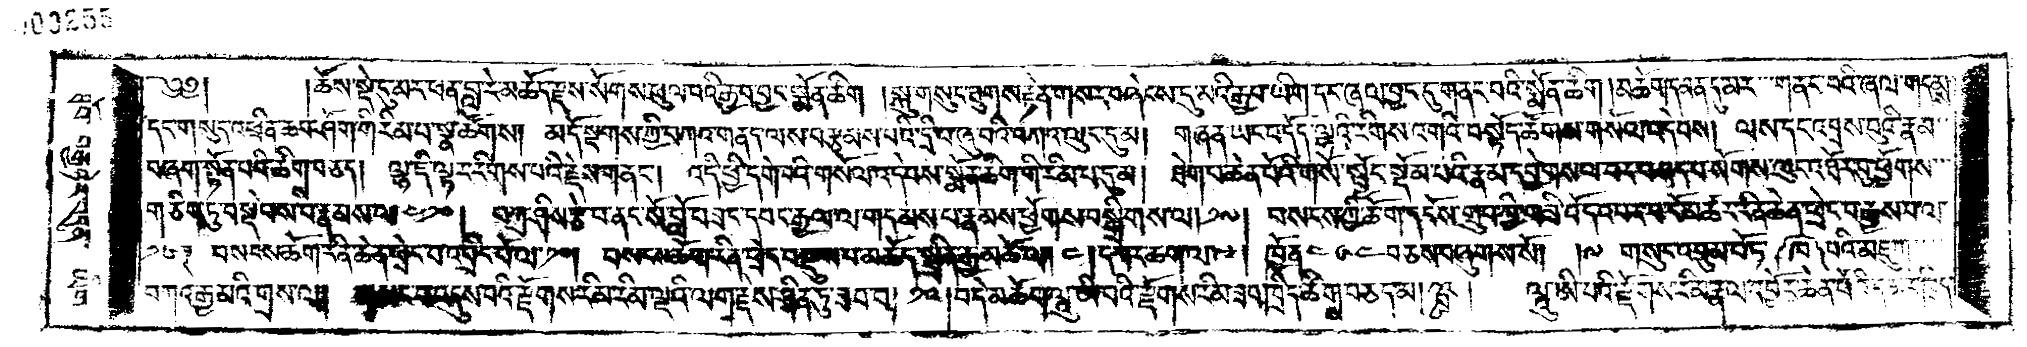༄༅། །ཆོས་སྡེ་དུ་མར་ཕན་བླ་རེ་མཆོད་རྫས་སོགས་ཕུལ་བའི་རྒྱབ་བྱང་སྨོན་ཚིག །སྐུ་གསུང་ཐུགས་རྟེན་གསར་བཞེངས་དུ་མའི་རྒྱབ་ཡིག་དང་ཞལ་བྱང་དུ་གནང་བའི་སྨོན་ཚིག །མཆོག་དམན་དུ་མར་གནང་བའི་ཞལ་གདམས་
དང་གསུང་འཕྲིན་ཆབ་ཤོག་གི་རིམ་པ་སྣ་ཚོགས། མདོ་སྔགས་ཀྱི་བཀའ་གནད་ལས་བརྩམས་པའི་དྲི་བ་ཞུ་བའི་བཀའ་ལུང་དུ་མ། གཞན་ཡང་འདོད་ལྷའི་རིགས་འགའི་བསྟོད་ཚོགས་གསོལ་འདེབས། ལས་དང་འབྲས་བུའི་རྣམ་
བཞག་སྟོན་པའི་ཚིགས་བཅད། ལྷ་ཇི་ལྟར་རིགས་པའི་རྗེས་གནང་། འདི་ཕྱི་དགེ་བའི་གསོལ་འདེབས་སྨོན་ཚིག་གི་རིམ་པ་དུ་མ། ཐེག་པ་ཆེན་པོའི་གསོ་སྦྱོང་སྡོམ་པའི་རྣམ་དབྱེ་གསལ་བར་བཤད་པ་སོགས་ལུང་འཐོར་བུ་ཕྱོགས་
གཅིག་ཏུ་བསྡེབས་པ་རྣམས་ལ། ༤༡༠། བཀྲ་ཤིས་རྩེ་བ་ནང་སོ་བློ་བཟང་དབང་རྒྱལ་ལ་གདམས་པ་རྣམས་ཕྱོགས་བསྒྲིགས་ལ། ༡༧། བསངས་ཀྱི་ཆོ་ག་དངོས་གྲུབ་ཀྱི་གཟི་འོད་འབར་བ་ངོ་མཚར་རིན་ཆེན་ཕྲེང་བ་རྒྱས་པ་ལ་
༡༦༑ བསངས་ཆོག་རིན་ཆེན་ཕྲེང་བ་འབྲིང་པོ་ལ ༡༠། བསངས་ཆོག་རིན་ཕྲེང་བསྡུས་པ་མཆོད་སྤྲིན་རྒྱ་མཚོ་ལ། ༤་།དཀར་ཆག་ལ ༧། ཁྱོན ༤༦༤་བཅས་བཞུགས་སོ། །༧་གསུང་འབུམ་བོད ༼ཁ༽ པའི་མཇུག་
བཀའ་རྒྱ་མའི་གྲས་ལ། གསང་བ་འདུས་པའི་རྫོགས་རིམ་རིམ་ལྔའི་ལག་རྗེས་ཤིན་ཏུ་ཟབ་བ། ༡༢། བདེ་མཆོག་ལཱུ་ཨི་བའི་རྫོགས་རིམ་ཟབ་ཁྲིད་ཚིགས་བཅད་མ། ༣བ༦། ལཱུ་ཨི་པའི་རྫོགས་རིམ་རྣལ་འབྱོར་ཆེན་པོའི་དམར་ཁྲིད་